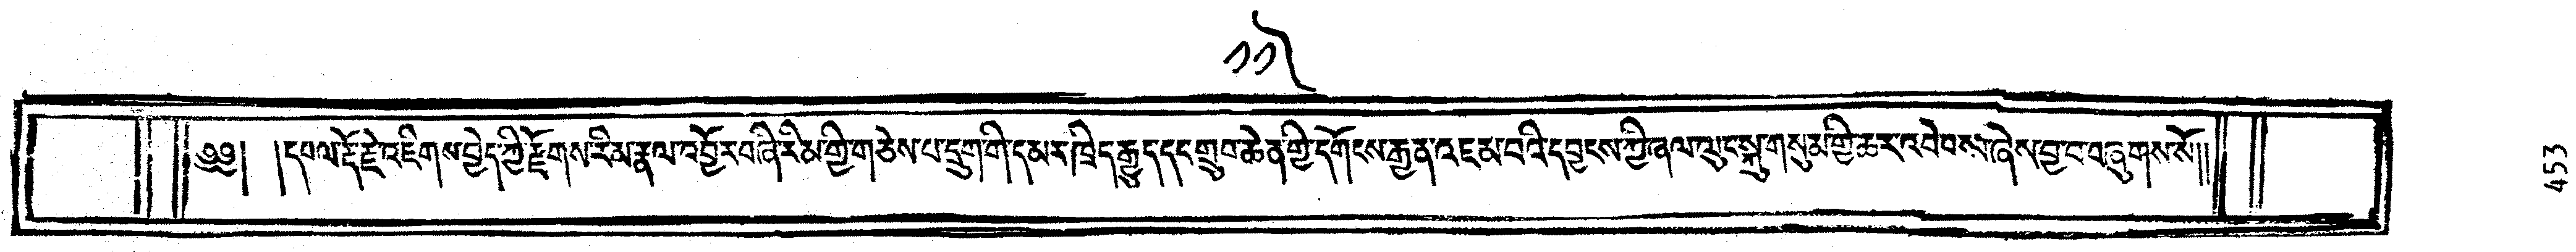༡༡?
༄༅། །དཔལ་རྡོ་རྗེ་འཇིགས་བྱེད་ཀྱི་རྫོགས་རིམ་རྣལ་འབྱོར་བཞི་རིམ་གྱི་གཅེས་པ་དྲུག་གི་དམར་ཁྲིད་རྒྱུད་དང་གྲུབ་ཆེན་གྱི་དགོངས་རྒྱན་འཇམ་པའི་དབྱངས་ཀྱི་ཞལ་ལུང་སྐུ་གསུམ་གྱི་ཆར་འབེབས་ཞེས་བྱ་བ་བཞུགས་སོ།།